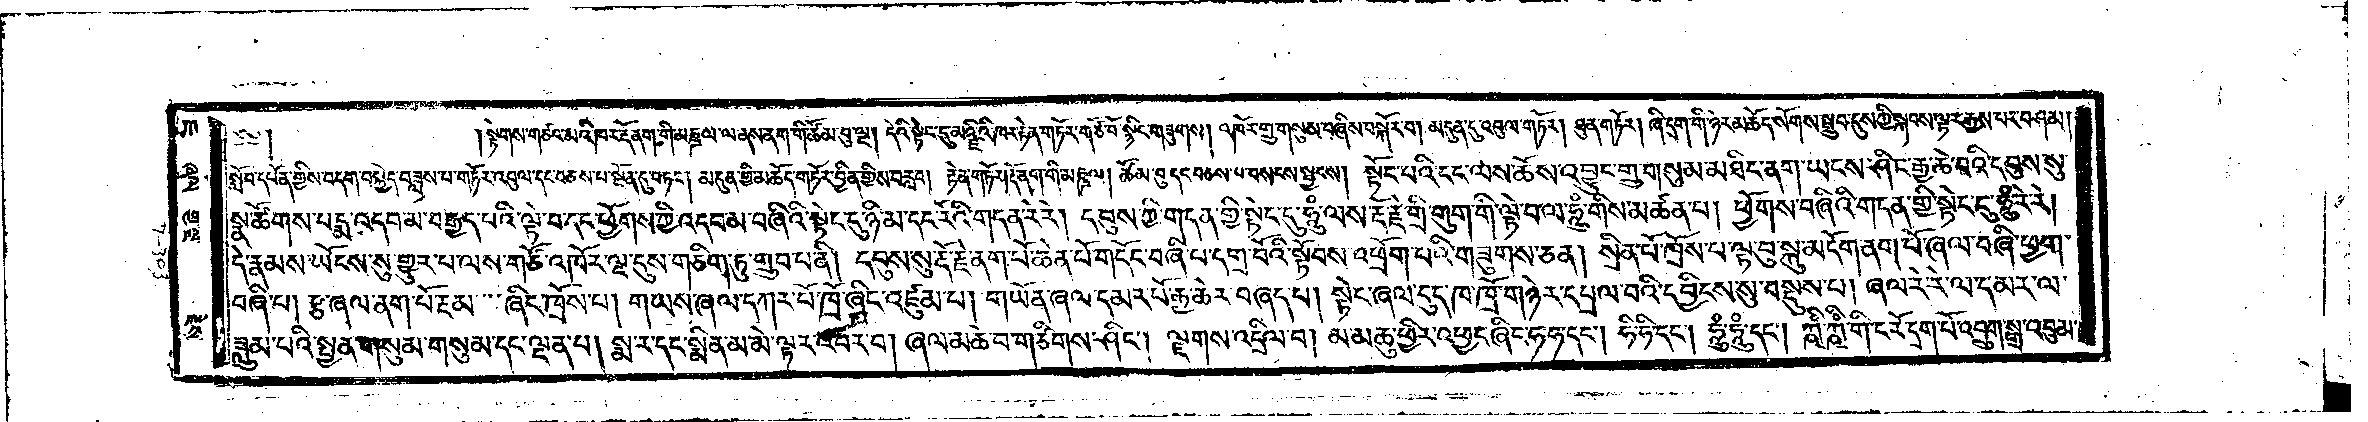༄༅། །སྟེགས་གཙང་མའི་ཁར་རྡོ་ནག་གི་མཎྜལ་ལ་ནས་ནག་གི་ཚོམ་བུ་ལྔ། དེའི་སྟེང་དུ་མཉྫིའི་ཁར་རྟེན་གཏོར་གཙོ་བོ་སྙིང་གཟུགས། འཁོར་གྲུ་གསུམ་བཞིས་བསྐོར་བ། མདུན་དུ་འབུལ་གཏོར། ཐུན་གཏོར། ཞི་དྲག་གི་ཉེར་མཆོད་སོགས་སྒྲུབ་དུས་ཀྱི་སྐབས་ལྟར་རྒྱས་པར་བཤམ།
སློབ་དཔོན་གྱིས་བདག་བསྐྱེད་བཟླས་པ་གཏོར་འབུལ་དང་བཅས་པ་སྔོན་དུ་བཏང་། མདུན་གྱི་མཆོད་གཏོར་བྱིན་གྱིས་བརླབ། རྟེན་གཏོར་རྡོ་ནག་གི་མཎྜལ། ཚོམ་བུ་དང་བཅས་པ་བསངས་སྦྱངས། སྟོང་པའི་ངང་ལས་ཆོས་འབྱུང་གྲུ་གསུམ་མཐིང་ནག་ཡངས་ཤིང་རྒྱ་ཆེ་བའི་དབུས་སུ་
སྣ་ཚོགས་པདམ་འདབ་མ་བརྒྱད་པའི་ལྟེ་བ་དང་ཕྱོགས་ཀྱི་འདབ་མ་བཞིའི་སྟེང་དུ་ཉི་མ་དང་རོའི་གདན་རེ་རེ། དབུས་ཀྱི་གདན་གྱི་སྟེང་དུ་ཧཱུཾ་ལས་རྡོ་རྗེ་གྲི་གུག་གི་ལྟེ་བ་ལ་ཧཱུཾ་གིས་མཚན་པ། ཕྱོགས་བཞིའི་གདན་གྱི་སྟེང་དུ་ཧཱུཾ་རེ་རེ།
དེ་རྣམས་ཡོངས་སུ་གྱུར་པ་ལས་གཙོ་འཁོར་ལྔ་དུས་གཅིག་ཏུ་གྲུབ་པ་ནི། དབུས་སུ་རྡོ་རྗེ་ནག་པོ་ཆེན་པོ་གདོང་བཞི་པ་དགྲ་བོའི་སྟོབས་འཕྲོག་པའི་གཟུགས་ཅན། སྲིན་པོ་ཁྲོས་པ་ལྟ་བུ་སྐུ་མདོག་ནག་པོ་ཞལ་བཞི་ཕྱག་
བཞི་པ། རྩ་ཞལ་ནག་པོ་རྔམ་ཞིང་ཁྲོས་པ། གཡས་ཞལ་དཀར་པོ་ཁྲོ་ཞིང་འཛུམ་པ། གཡོན་ཞལ་དམར་པོ་རྒྱ་ཆེར་བཞད་པ། སྟེང་ཞལ་དུད་ཁ་ཁྲོ་གཉེར་དབྲལ་པའི་དབྱིངས་སུ་བསྡུས་པ། ཞལ་རེ་རེ་ལ་དམར་ལ་
ཟླུམ་པའི་སྤྱན་གསུམ་གསུམ་དང་ལྡན་པ། སྨ་ར་དང་སྨིན་མ་མེ་ལྟར་འབར་བ། ཞལ་མཆེ་བ་གཙིགས་ཤིང་། ལྗགས་འདྲིལ་བ། མ་མཆུ་ཕྱིར་འཕྱང་ཞིང་ཧ་ཧ་དང་། ཧི་ཧི་དང་། ཧཱུཾ་ཧཱུཾ་དང་། ཀྵིཾ་ཀྵིཾ་གི་ངོར་དྲག་པོ་འབྲུག་སྒྲ་འབུམ་